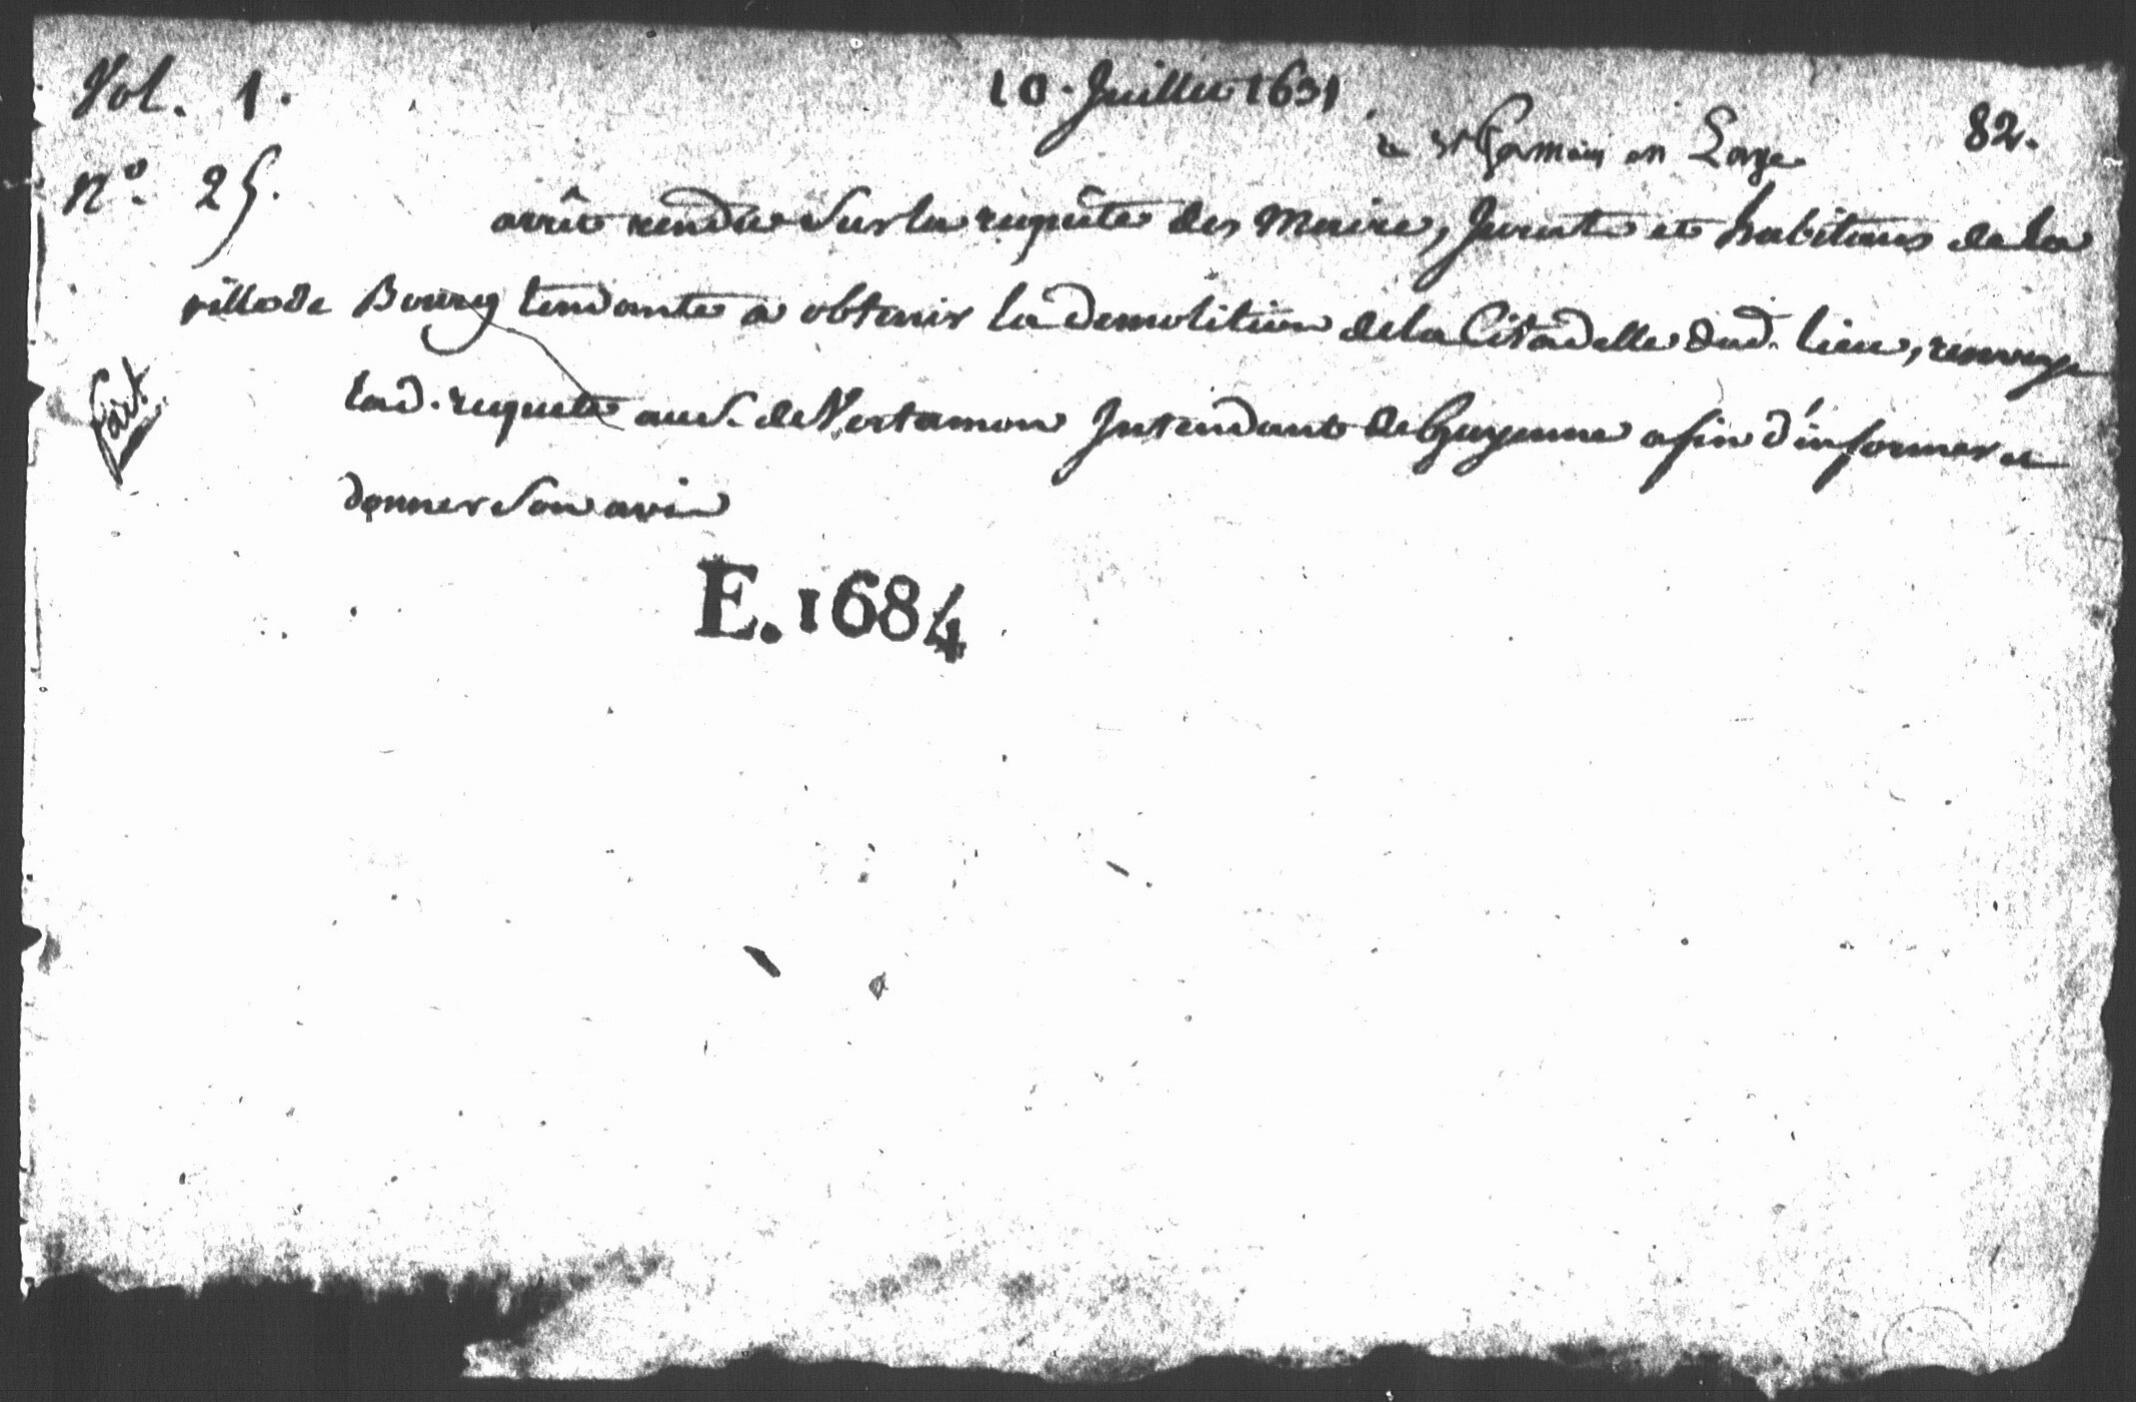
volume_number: n°25
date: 10 juillet 1631
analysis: à St Germain en Laye 82
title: arrêt rendu sur la requête des maire, jurats et habitans de la ville de Bourg tendante a obtenir la demolition de la Citadelle dud. lieu, renvoye lad. requete au S. de Vertamon intendant de Guyenne afin d'en informer et donner son avis
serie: E
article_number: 1684
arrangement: Vol. 1
